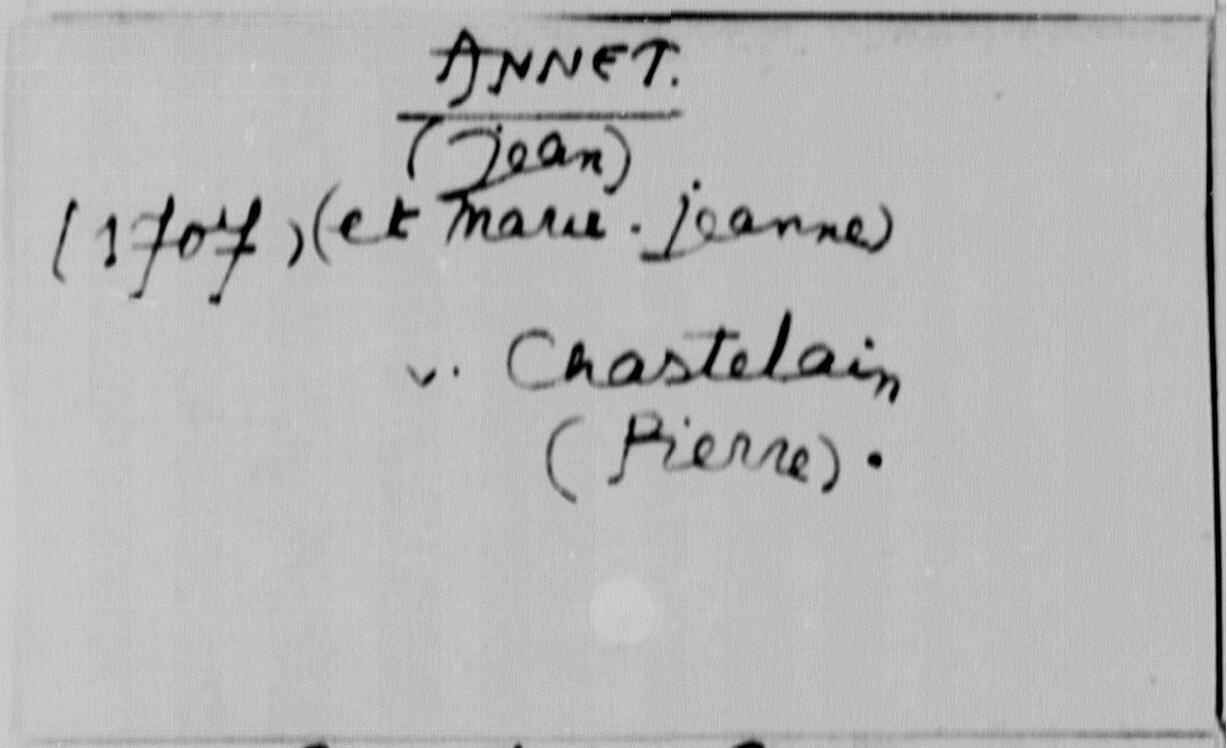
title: ANNET (Jean) et (Marie Jeanne)
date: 1707
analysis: Voir Chastelain (Pierre)
